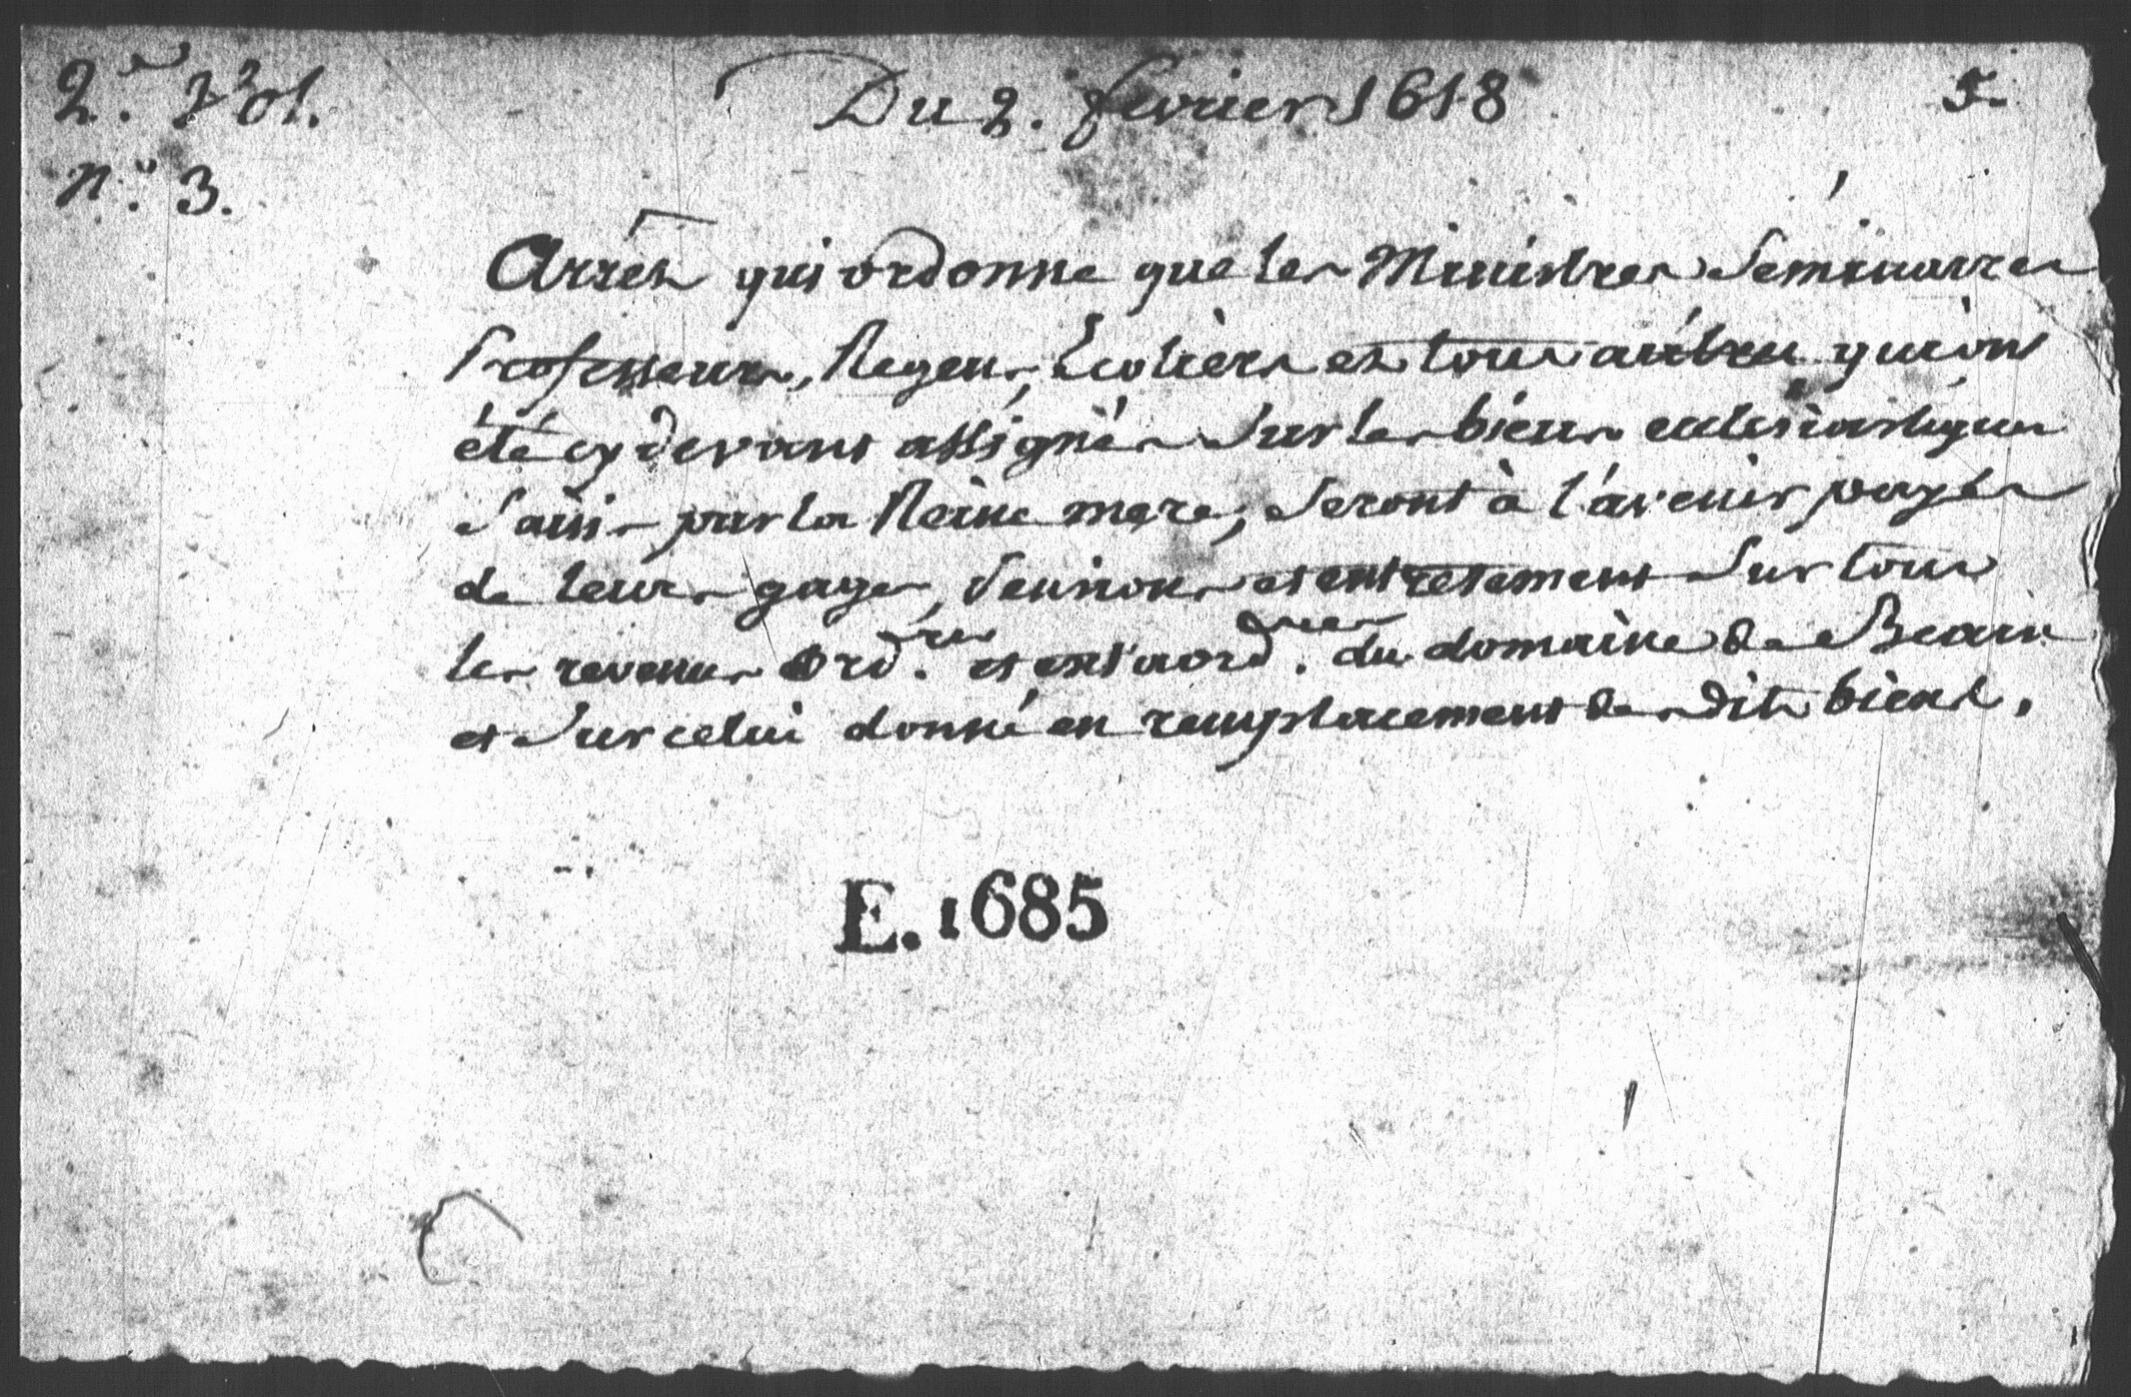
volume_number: n°3
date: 2 février 1618
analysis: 5
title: Arrêt qui ordonne que les ministres séminaires professeurs, regens, écoliers et tous autres qui ont été cy devant assignés sur les biens ecclesiastiques saisis par la Reine mere, seront à l'avenir payés de leurs gages pensions et entretement sur tous les revenus ordres et extraordres du domaine de Bearn et sur celui donné en remplacement desdits biens.
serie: E
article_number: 1685
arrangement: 2e vol.
